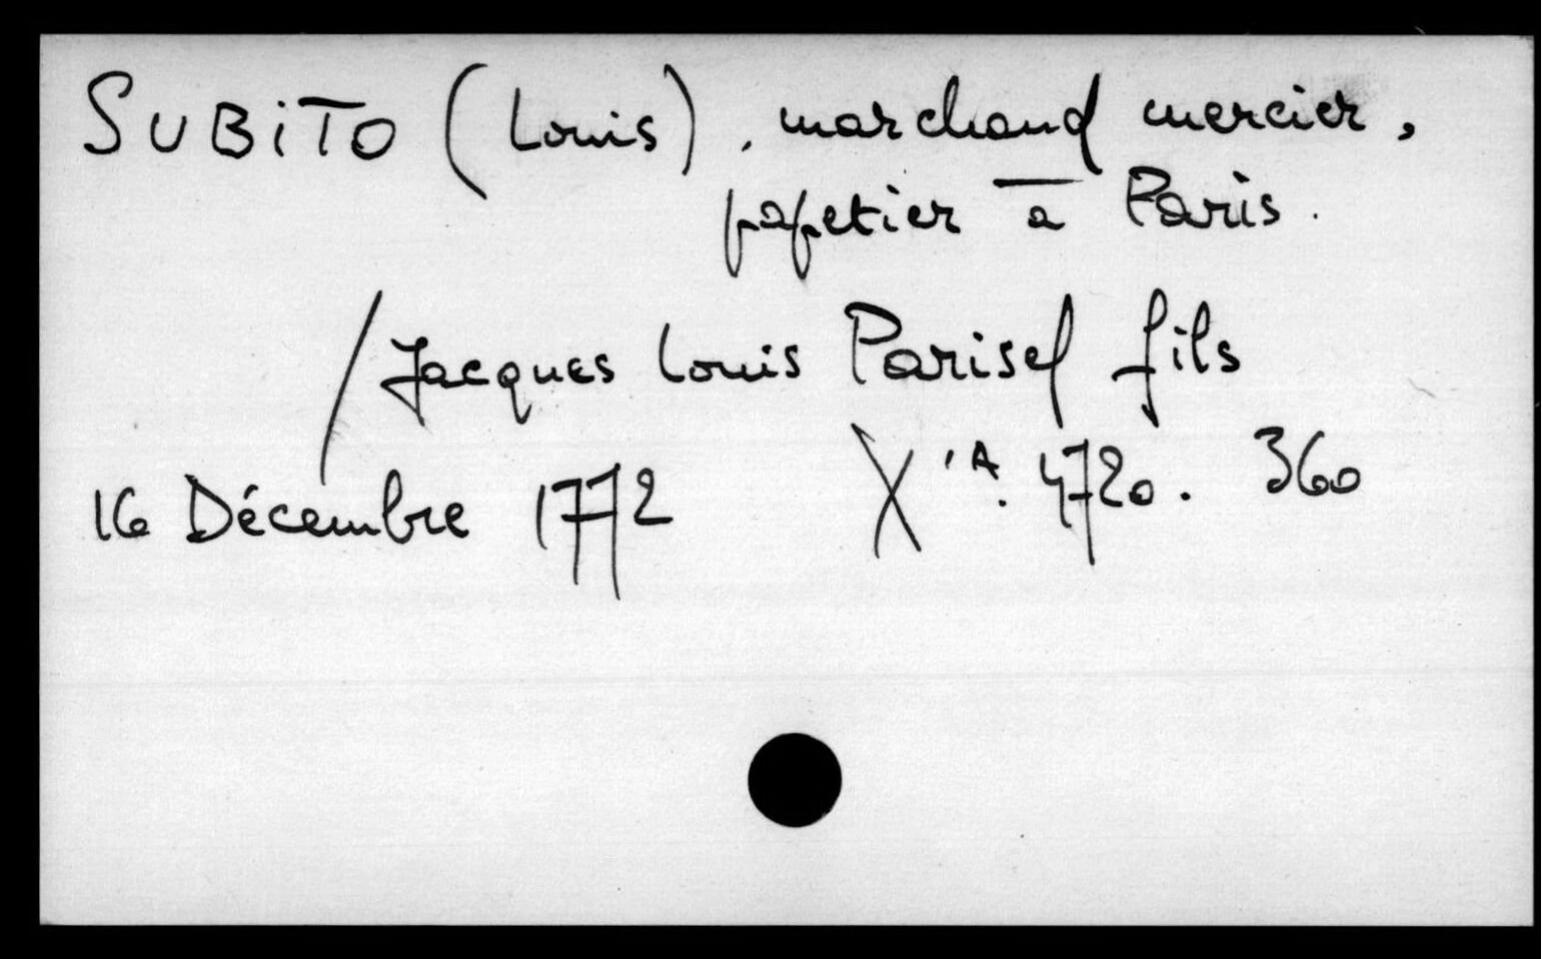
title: SUBITO (Louis), marchand mercier, papetier à Paris.
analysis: Contre Jacques Louis Parisel fils
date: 16 décembre 1772
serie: X1A
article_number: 4720
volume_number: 360
